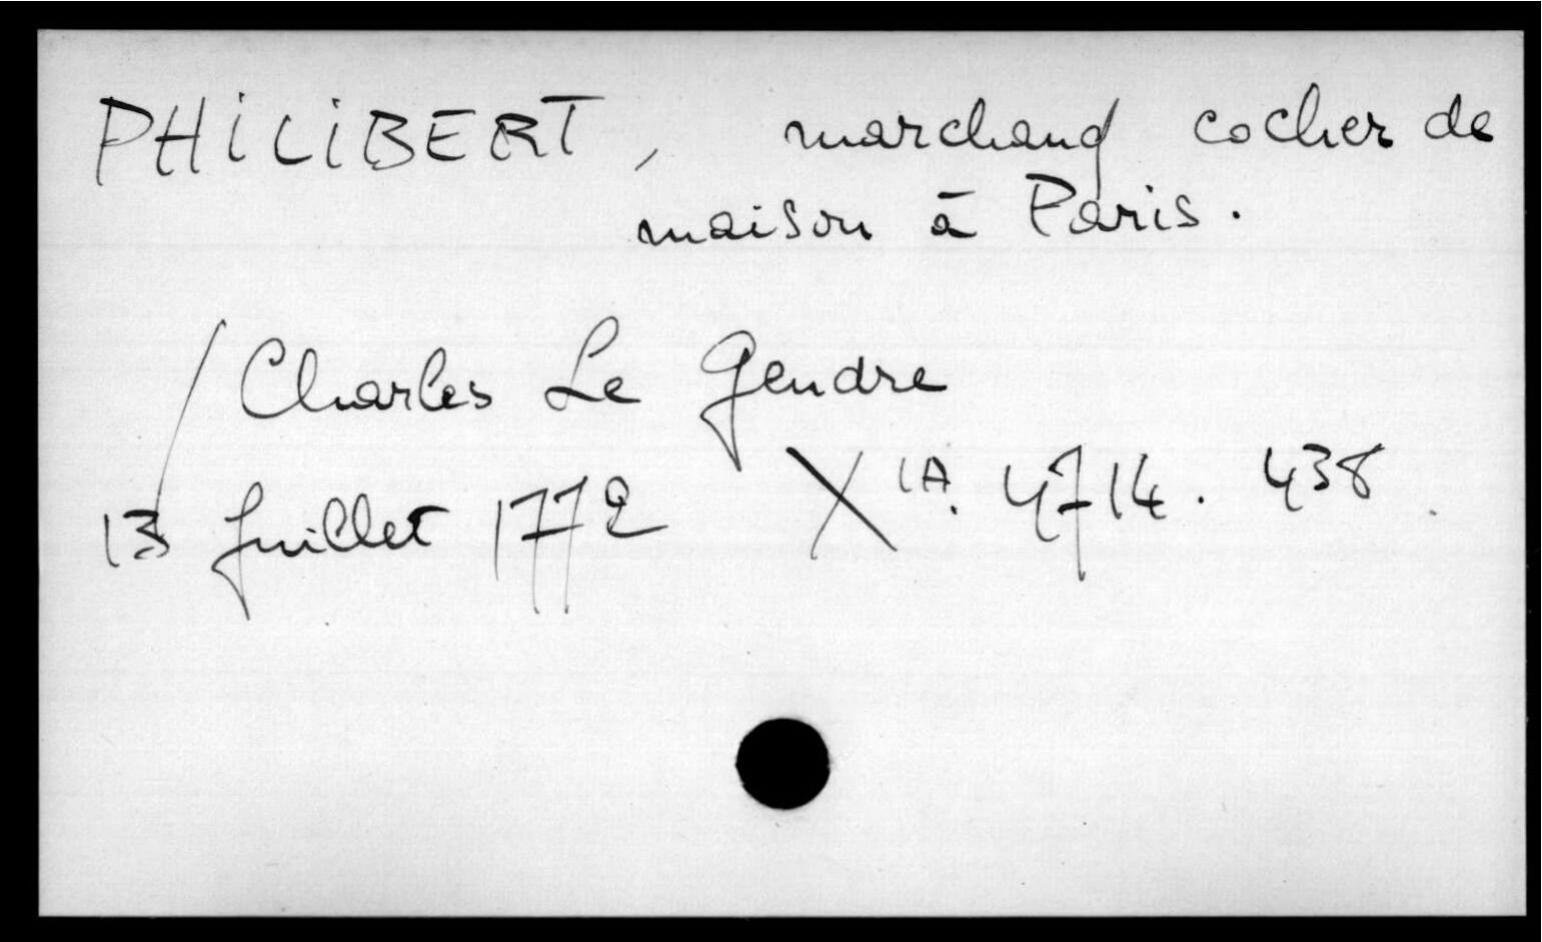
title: PHILIBERT, marchand cocher de maison à Paris.
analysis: Contre Charles Le Gendre
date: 13 juillet 1772
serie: X1A
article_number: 4714
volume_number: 438
